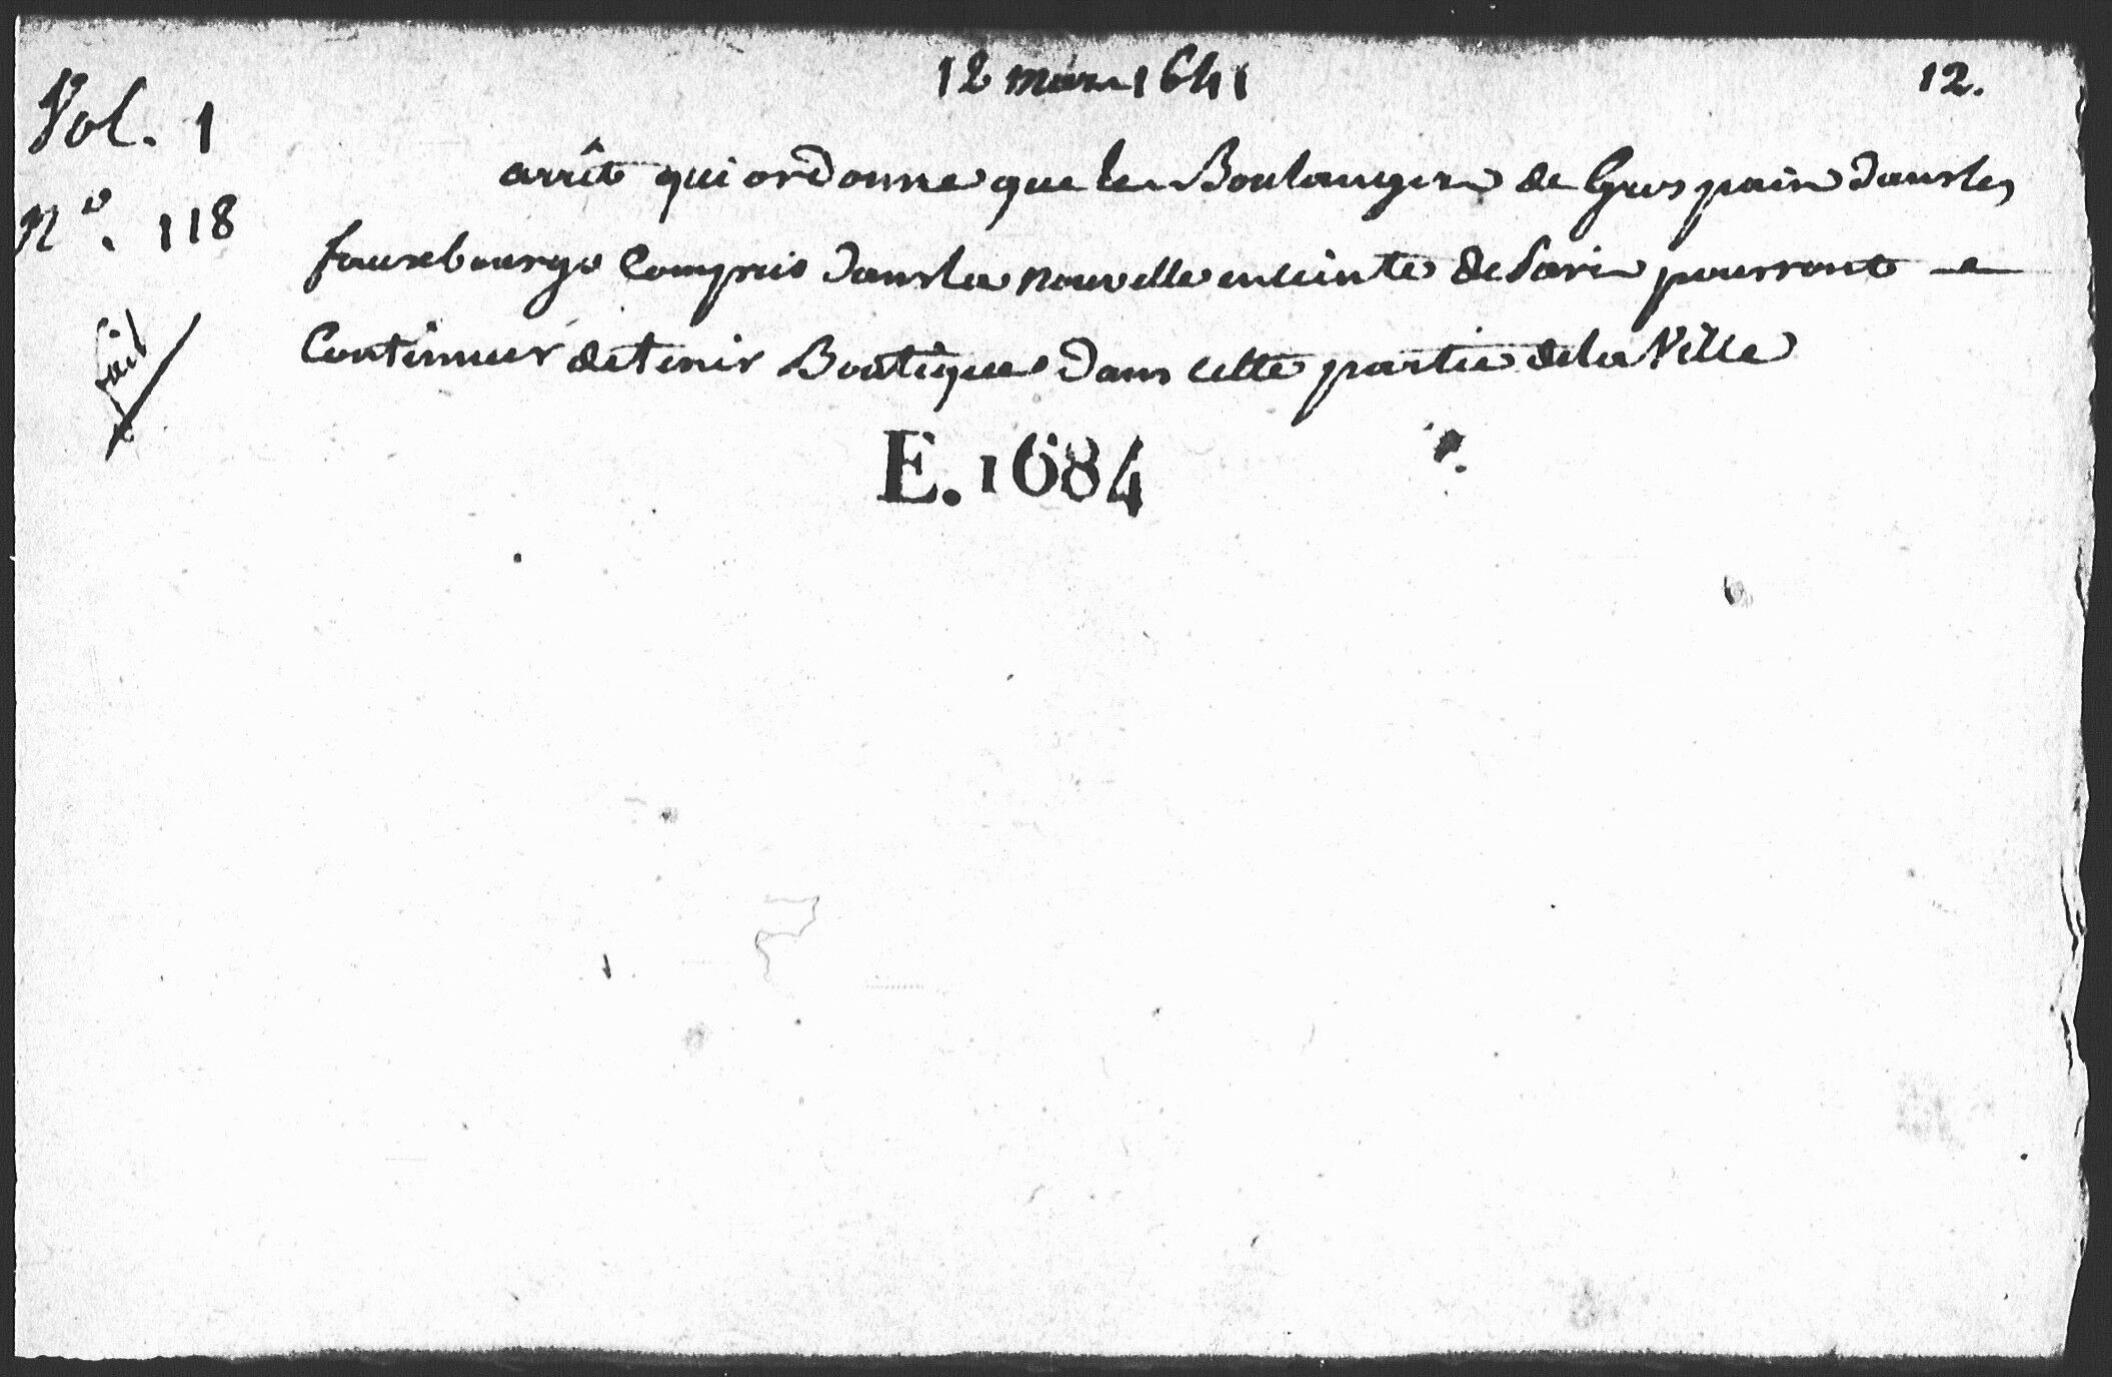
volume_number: n° 118
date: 12 mars 1641
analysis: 12
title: Arrêt qui ordonne que les boulangers de gros pain dans les faubourgs compris dans la nouvelle enceinte de Paris pourront continuer de tenir boutique dans cette partie de la ville.
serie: E
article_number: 1684
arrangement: Volume 1
